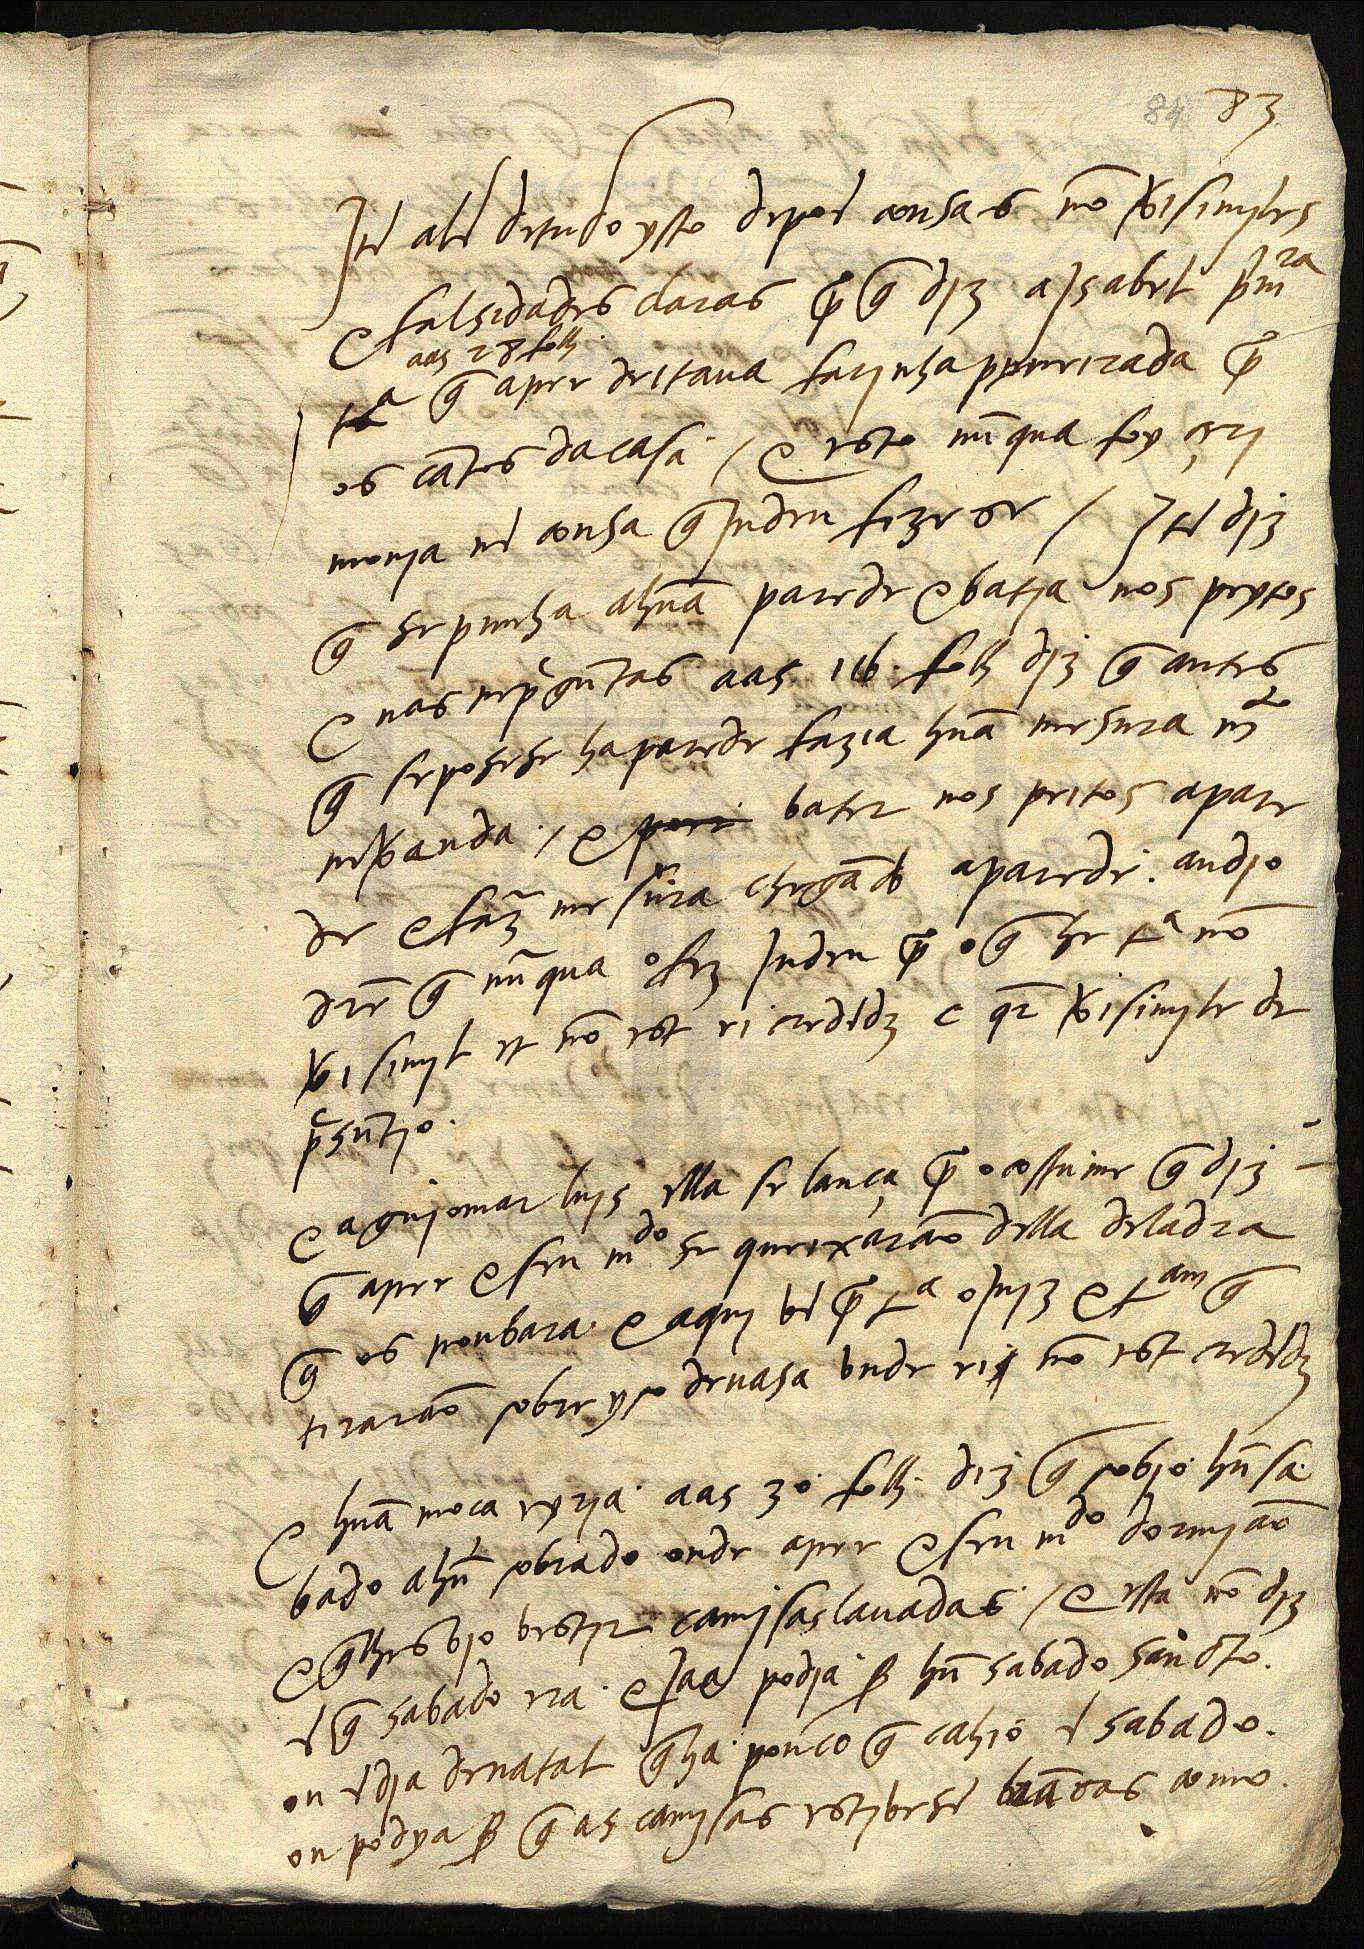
83
Jtē alē de tudo ysto depoē cousas n̄o ꝟisimjles
e falsidades claras p̄oq̄ djz a Jsabel pimra
ta q̄
aas 28 folh
a ree deitaua farjnha pyneirada p̄o
os cātos da casa / e esto nūqua foy cerj
monja nē cousa q̄ Judeu fizese / Jtē djz
q̄ se punha a huā parede e batja nos peytos
e nas rep̄gūtas aas 116. folh djz q̄ antes
q̄ se posese ha parede fazia huā mesura mto
reꝟanda / e pare bater nos peitos a pare
de e faz̄ mesura chegādo a parede: audjo
drē q̄ nūqua o fez Judeu p̄o o q̄ he ta nō
ꝟosimjl et nō est ei credēdꝫ c q̄r ꝟisimjle de
p̄sūtjo.
e a gujomar lujs ella se lança p̄o o costume q̄ djz
q̄ a ree e seu mdo se queixarão della de ladra
q̄ os roubara. e aquj vē p̄o ta o Juiz e tam q̄
tiraraõ sobre yso deuasa vnde ei nō est credēdꝫ
e huā moça eyrja. aas 30 folh. diz q̄ sobjo hū sa
bado a hū sobrado onde a rre e seu mo dormjão
e q̄ lhes vjo vestjr camjsas lauadas / e esta nō djz
ē q̄ sabado era. e Jaa podja ꞩ hū sabado Sancto
ou ē dja de natal q̄ ha pouco q̄ cahio ē sabado.
ou podya ꞩ q̄ as camjsas estjvesē brācas como
